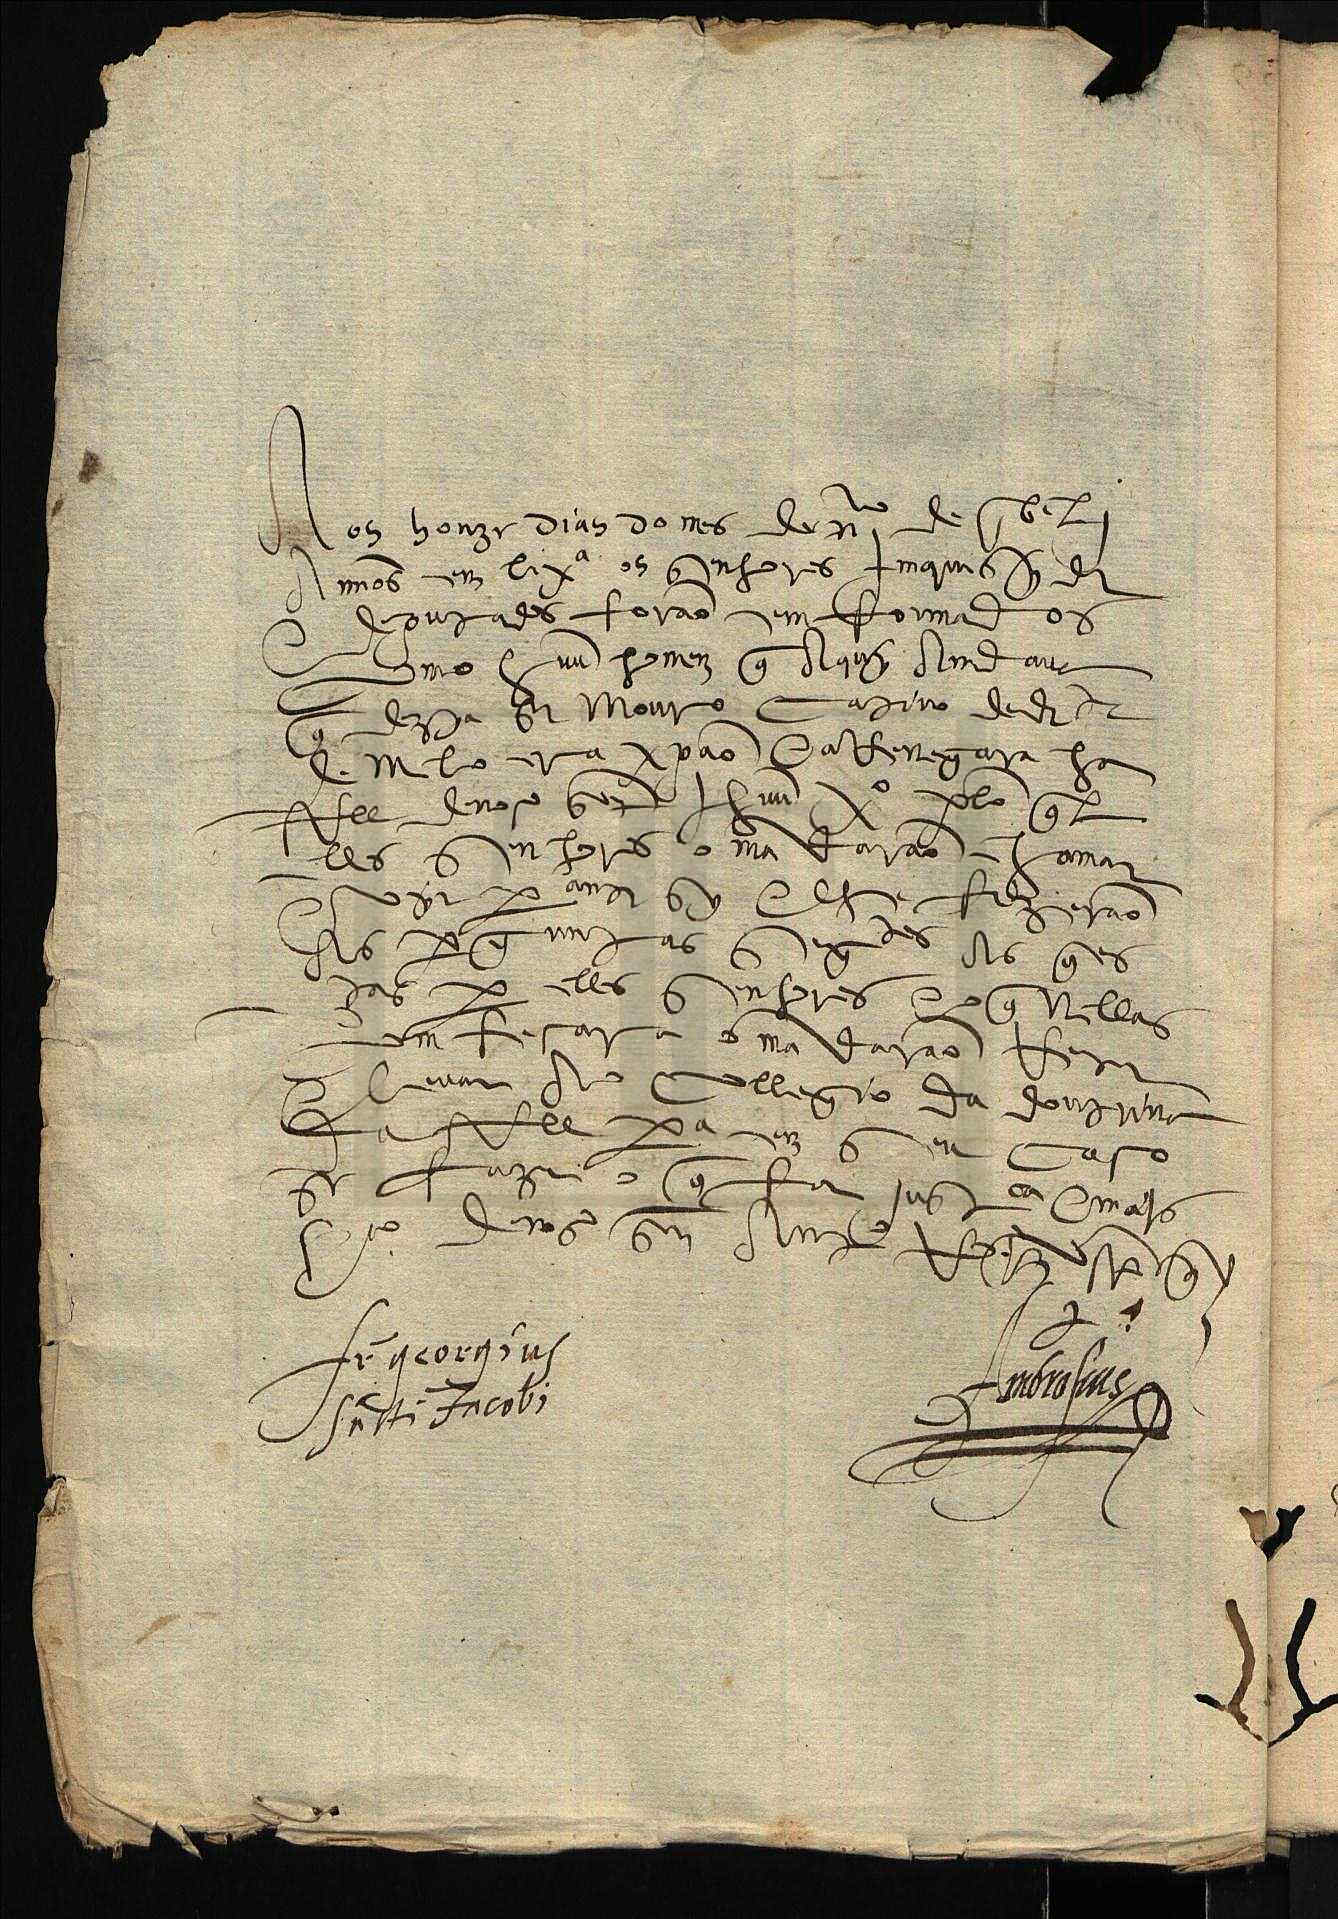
Aos honze dias do mes de nro de j̄bcLj
Annos em lixa os senhores Jmquisydor
e deputados foraõ emformados
Como huū homem q̄ Aquy Amdaua
q̄ dezya ser Mouro Catiuo de drte
de melo era xpão e aRenegara ha
ffee de noso s̄or Jhuū Xo pl̄o q̄L
elles senhores o mādarão chamar
e vyr ꝑante sy e lhe fizeraõ
As ꝑguntas seḡtes As q̄es
vtas ꝑ elles senhores e o q̄ nellas
Comfesara o mādarão Reser
e leuar Ao Collegio da doutrina
da ffee ꝑa em seu Caso
se fazer o q̄ for Justça e majs
ꞩço de noso s̄or Anto Roj̄z o sp̄vy
fr̄ georgius
Ambrosius
Sn̄cti Iacobi
